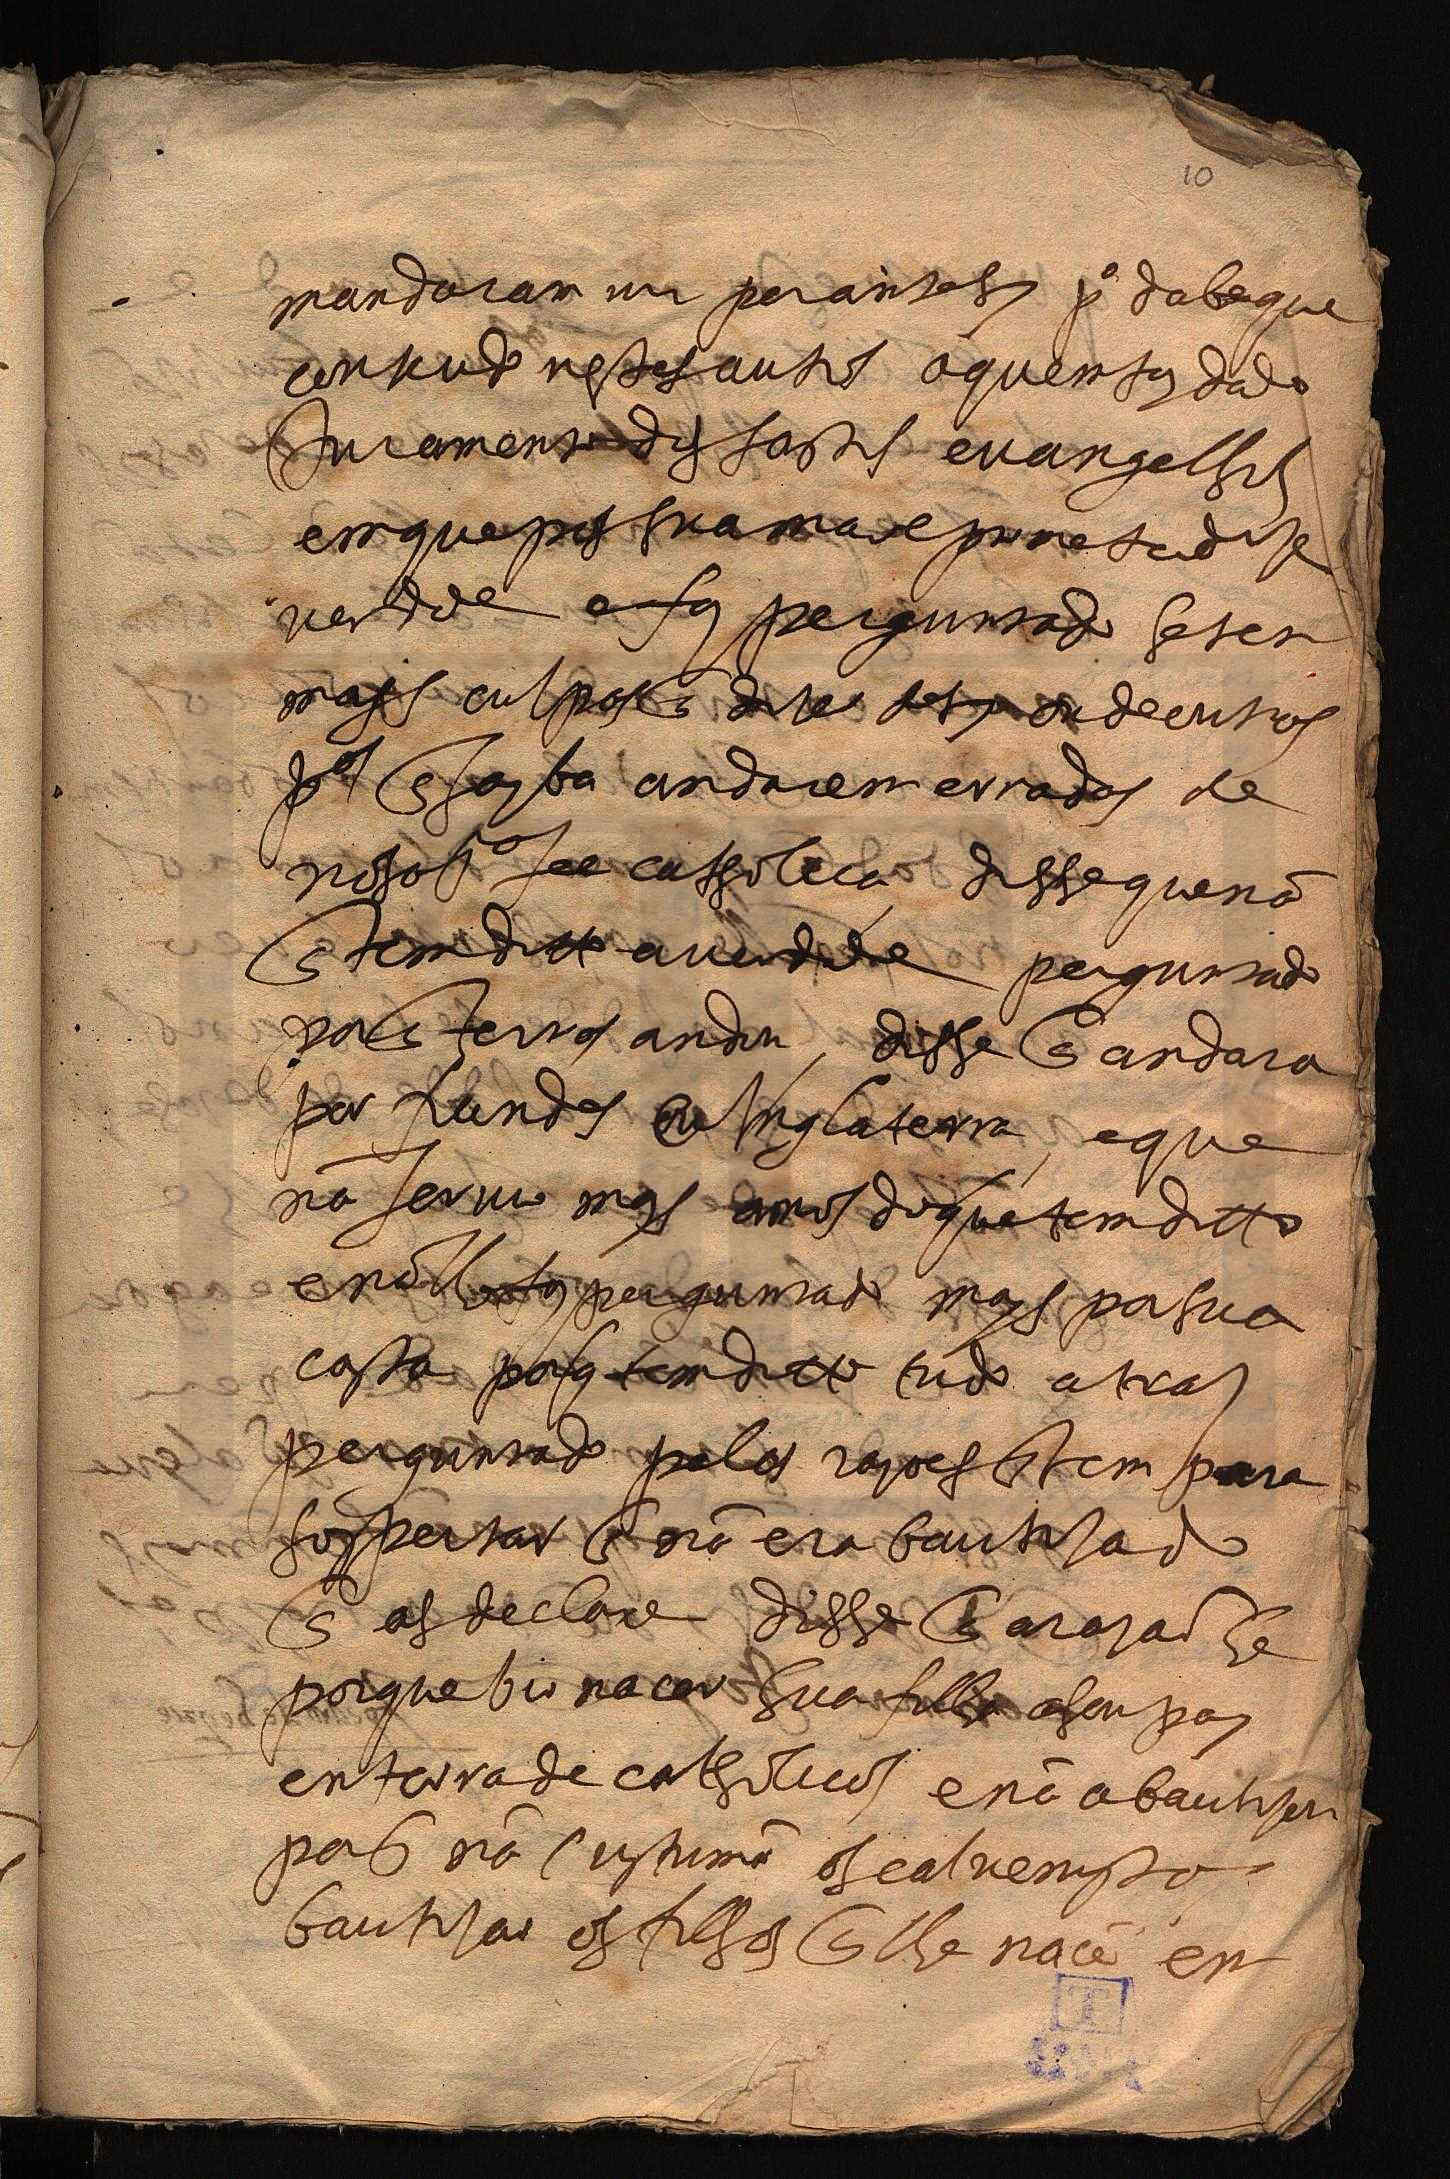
mandaram uir perante sj po da beque
conteudo nestes autos a quem foj dado
Juramento dos santos euangelhos
em que pos sua mao e prometeo dizer
uerdade e foj perguntado se tem
majs culpas q̄ dizer de sj ou outras
pas q̄ sajba andarem erradas de
nosa sta fee catholica, disse que nā
q̄ tem ditto a uerdade perguntado
por q̄ terras andou, disse q̄ andara
por frandes e Jnglaterra, e que
nā seruio majs annos do que tem ditto
e nā lhe foj perguntado majs por sua
casta porq̄ tem ditto tudo atraz
perguntado pelas razoes q̄ tem para
sospeitar q̄ nā era bautizado
q̄ as declare disse q̄ a razaõ he
porque vio nacer hua filha a seu paj
en terra de catholicos e nā a bautizou
porq̄ nā custumā os caluenistas
bautizar os filhos q̄ lhe nacē em
